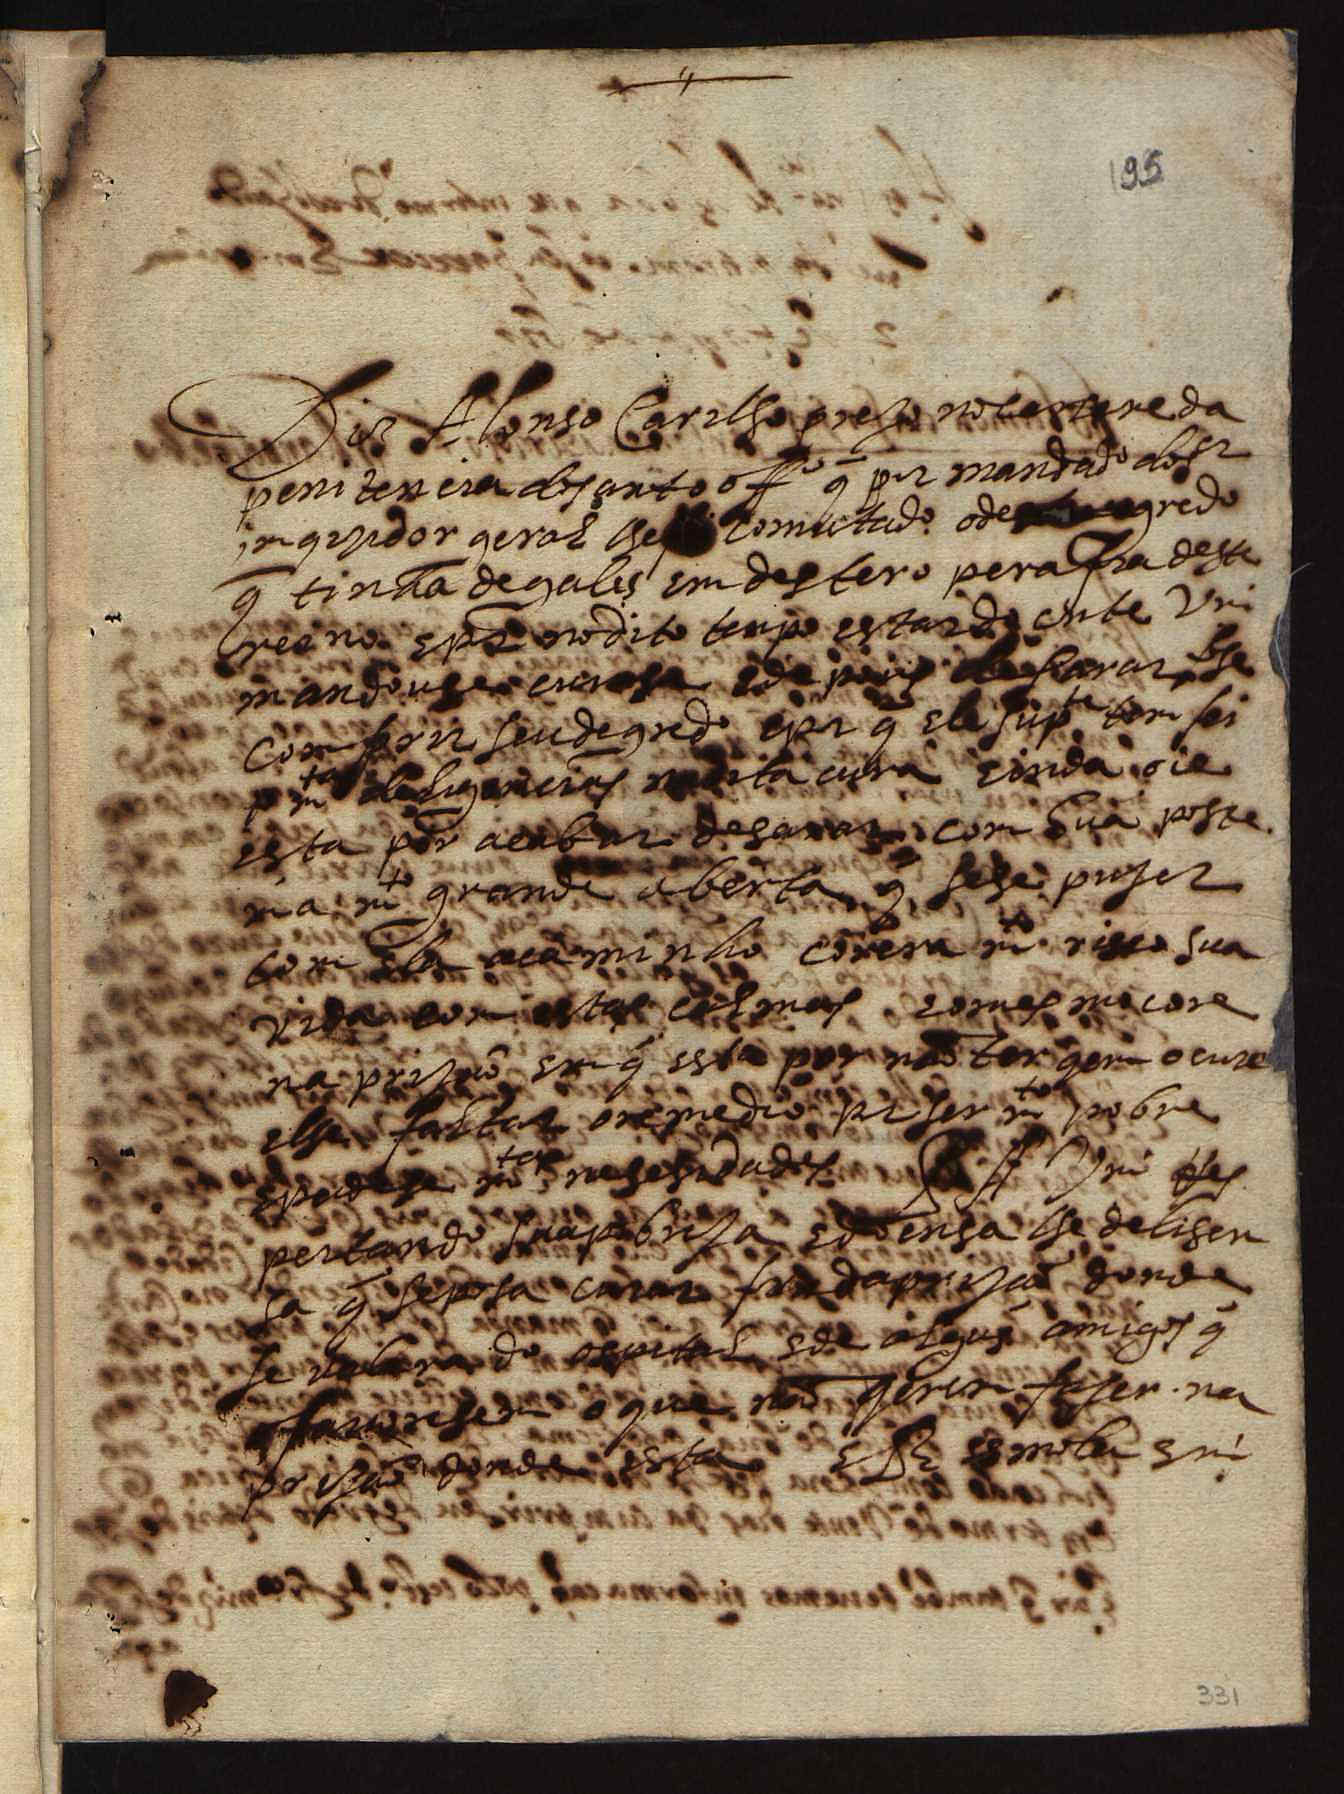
Diz Alonso Carilho prezo no carcere da
penitencia do santo offo q̄ por mandado do sor
jnqizidor geral lhe foi comutado o de_gredo
q̄ tinha de gales Em destero pera fora deste
reino E por no dito tenpo estar doente Vm
mandou se curase E depois de sarar fose
comprir seu degredo e porq̄ Ele supte tem fei
to mtas deligencias na dita cura E inda oie
esta por acabar de sarar com huā poste
ma mto grande aberta q̄ se se puzer
com Ela a caminho corera mto risco sua
vida com estas calmas. E o mesmo core
na prizão Em q̄ esta por naõ ter qem o cure
E lhe faltar o remedio por ser mto pobre
E padese mtas nesesidades P. A. V m̄ Res
peitando sua pobreza E doensa lhe de lisen
sa q̄ se posa curar fora da prizaõ donde
se ualera do ospital E de algus̄ amigos q̄
o fauoresem o que naõ qerem fazer na
prizaõ donde esta E R Esmola E m̄
